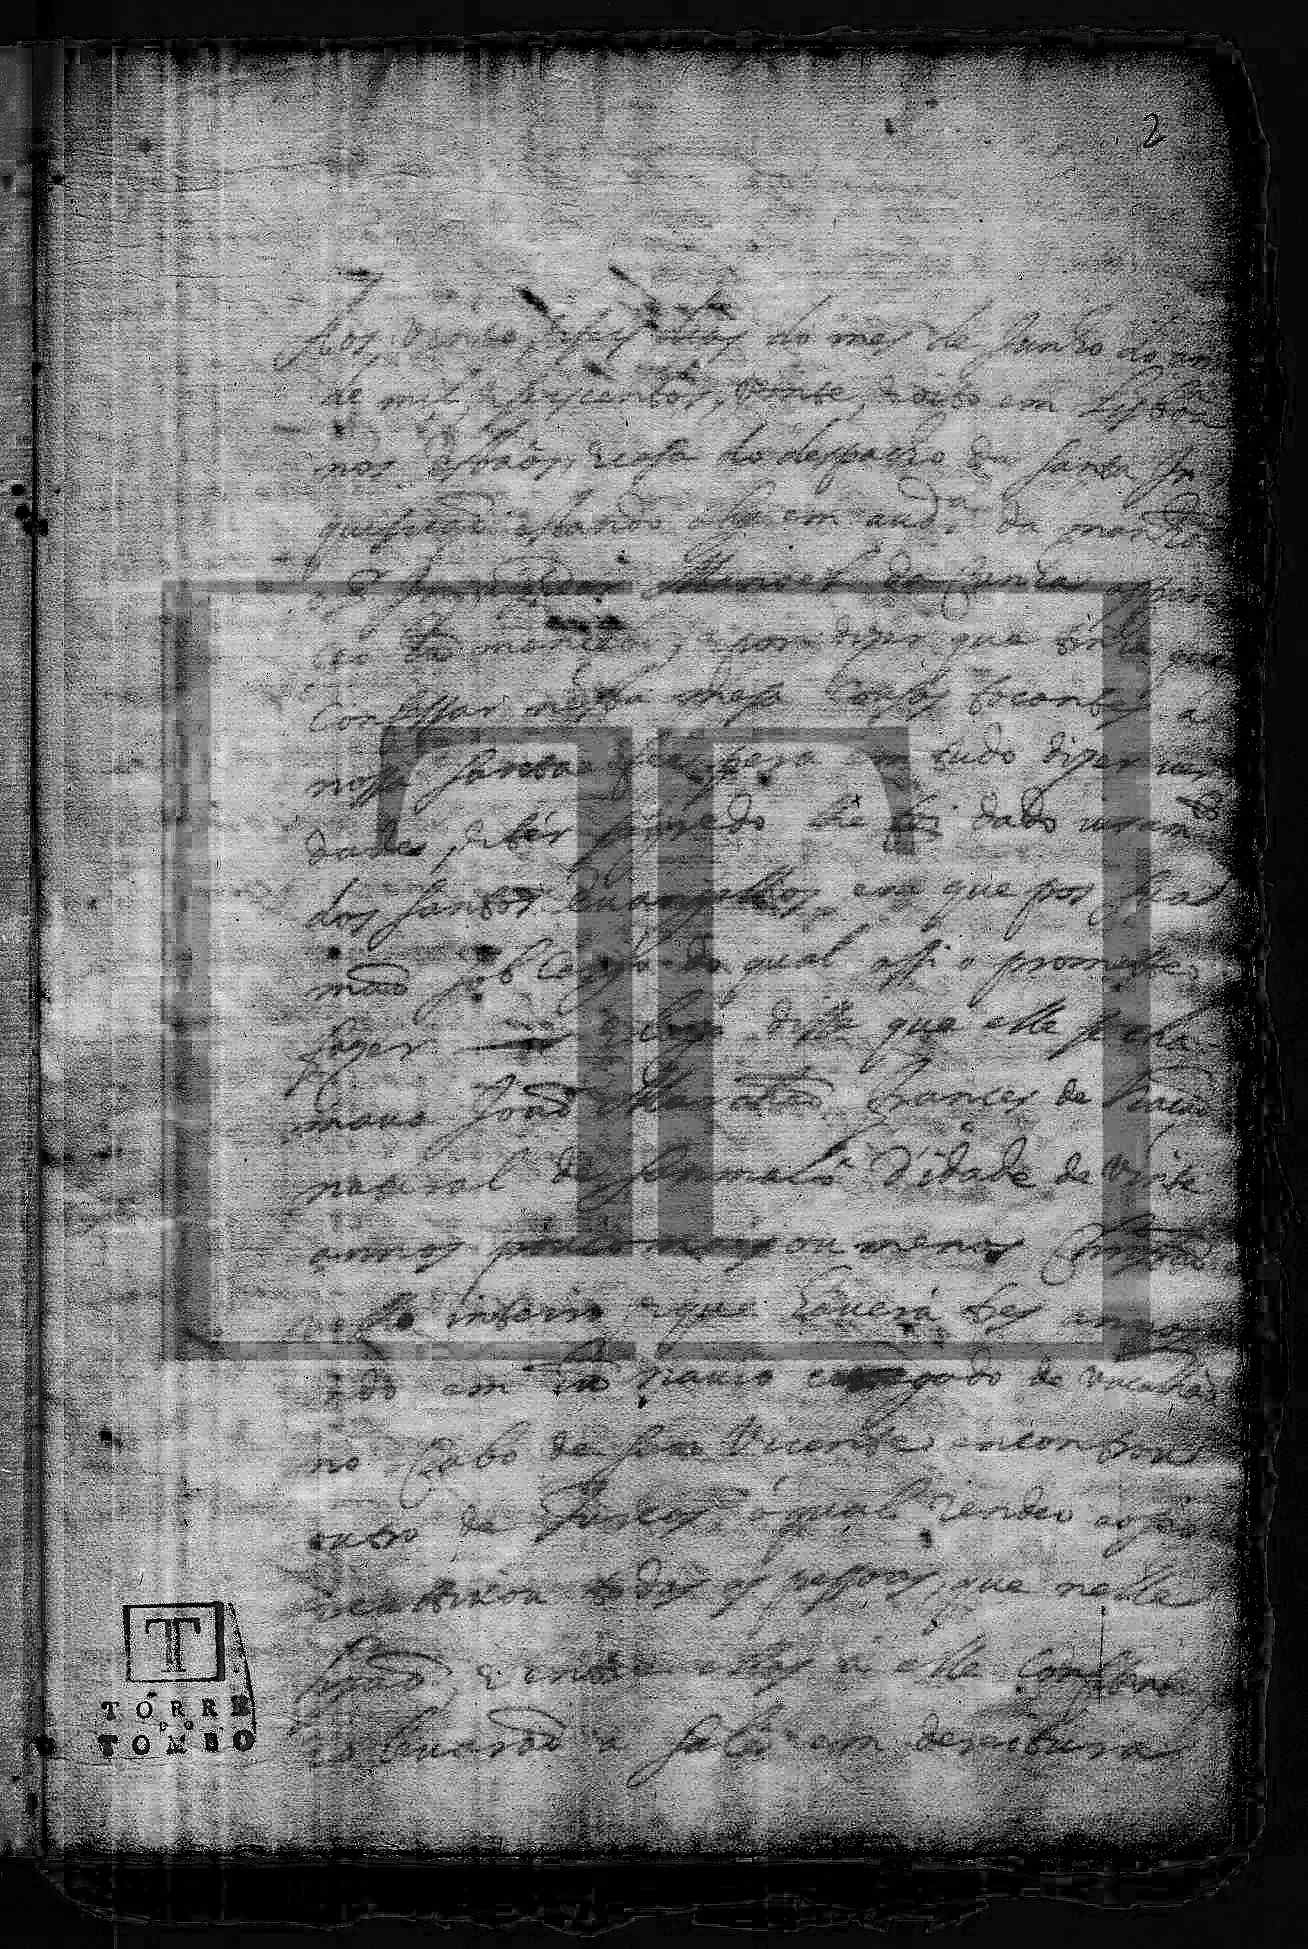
Aos vinte e seis dias do mes de Junho do ano
de mil e seiscentos vinte, e oito em Lisboa
nos Estaos E casa do despacho da santa In
quisiçaõ estando ahy em auda da manhā
o sr jnquisidor Manoel da Cunha appare
ceo hum mancebo, e por dizer que tinha que
confessar nesta mesa cousas tocantes a
nossa sancta fee pera em tudo dizer ver
dade E ter segredo lhe foi dado iuramto
dos santos euangelhos em que pos suas
maõ sob cargo do qual assi o prometteo
fazer
E disse que elle se cha
maua Joaõ Marchaõ frances de Naçaõ
natural de Sam Maló d'idade de vinte
annos pouco mais ou menos Christaõ
velho inteiro, E que hauerá tres annos
tido em hū nauio caregado de vacalhao
no cabo de Sam Vicente encontrou
outro de Turcos o qual rendeo ao seo
e cattiuou todas as pessoas, que nelle
hjaõ, E entre estes e elle confesante
o leuaraõ a Salē em dereitura
